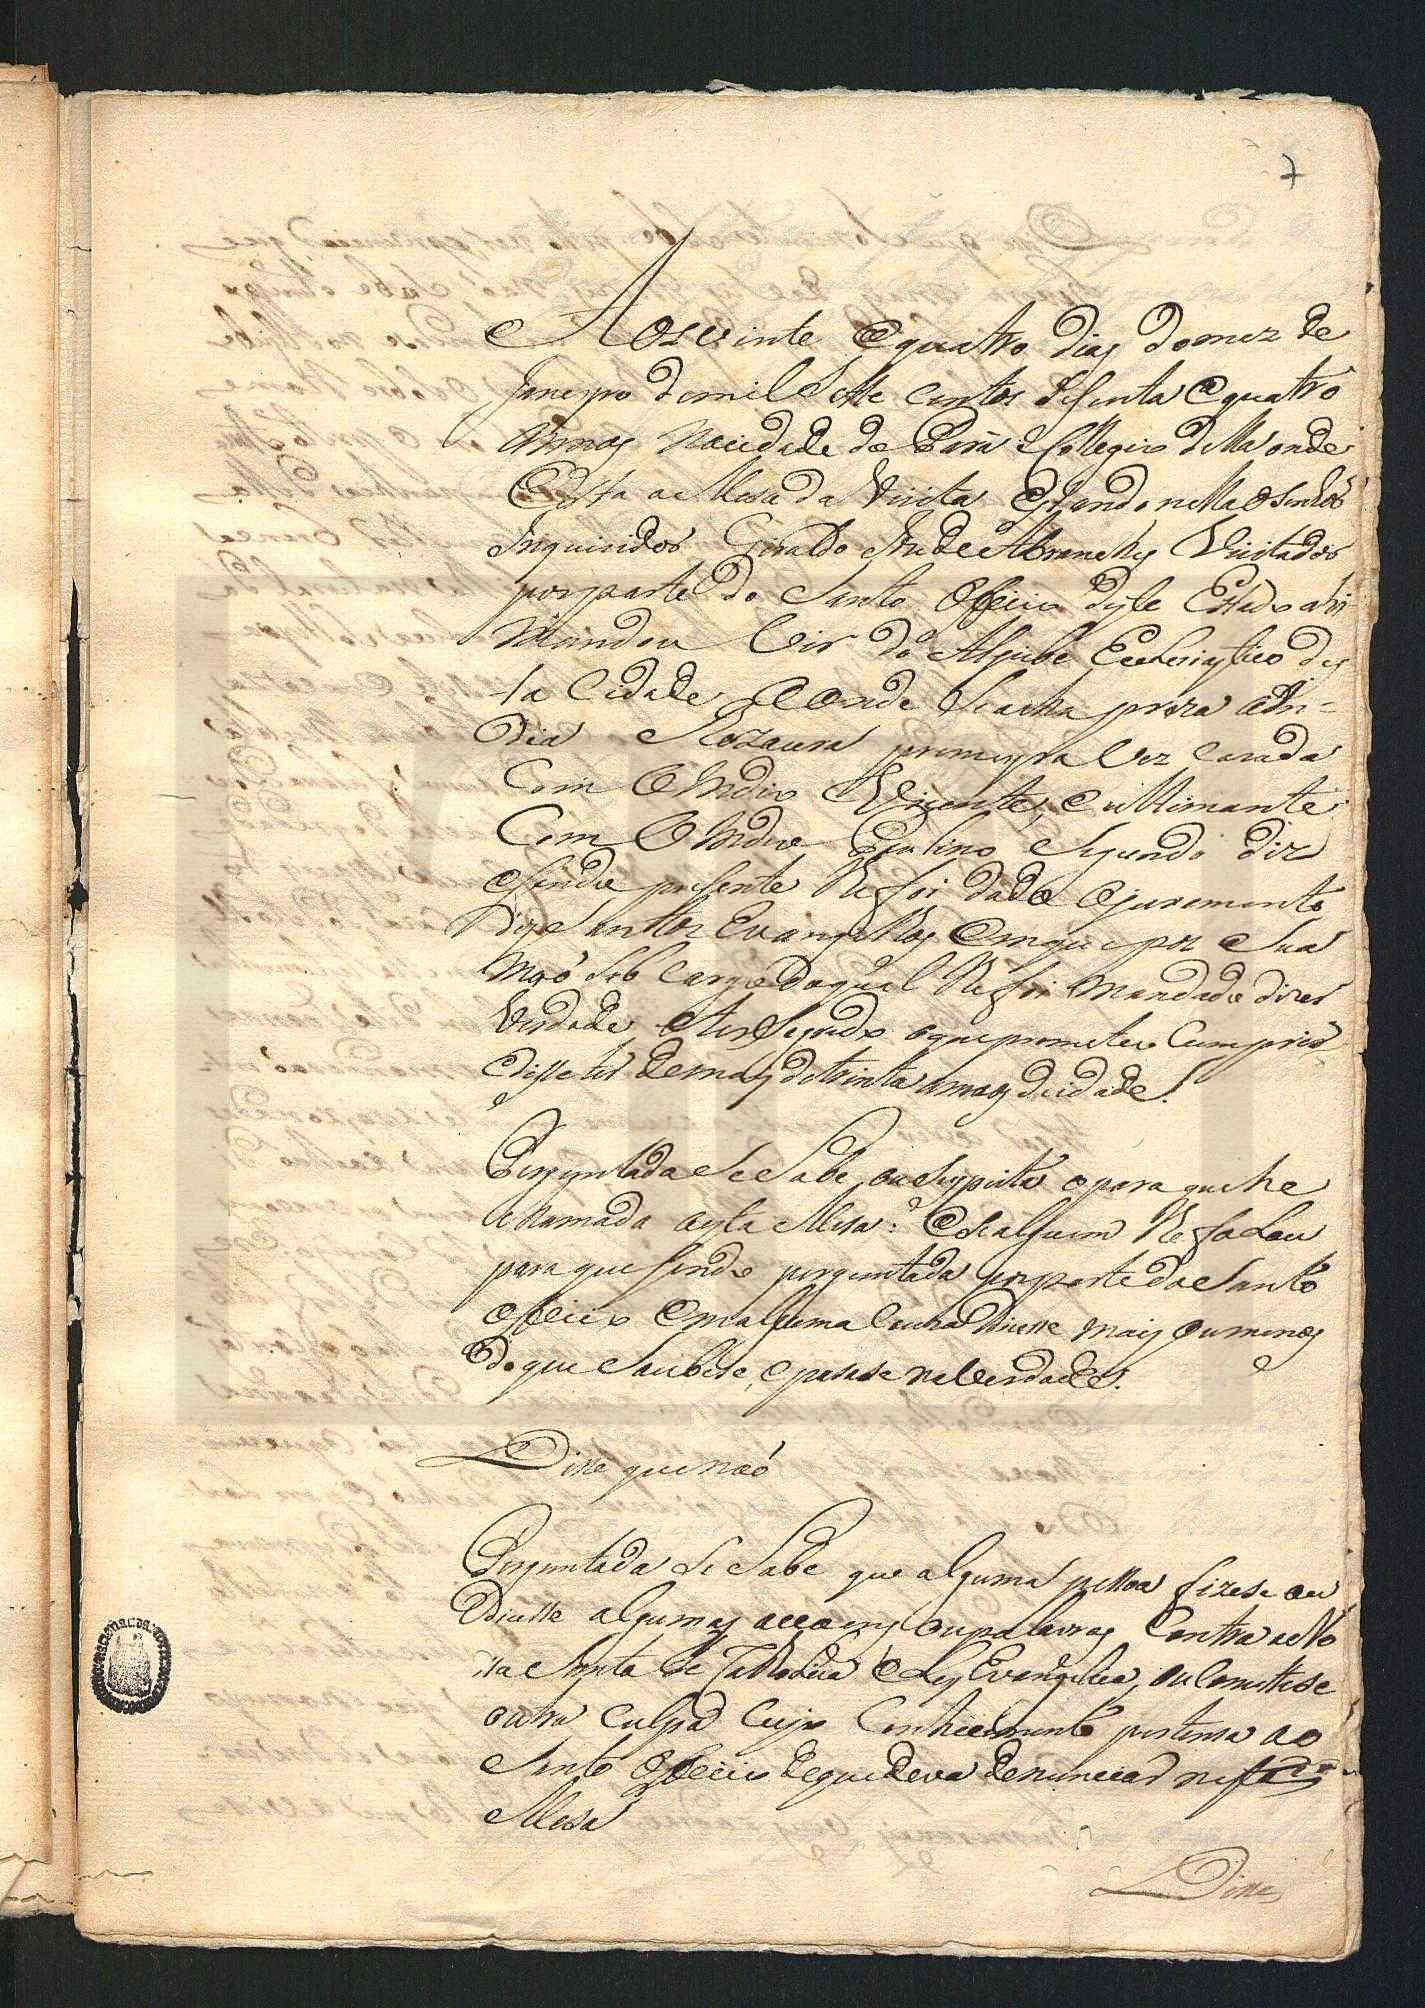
Aoz vinte e quatro dias do mez de
Janeyro de mil Settecentos Sesenta e quatro
annos na cidade do Pará e Collegio della onde
Esta a Mesa da Vizita Estando nella O senhor
Inquizidor Giraldo Joze de Abranches Vizitador
por parte do Santo Officio deste Estado ahi
mandou Uir do Aljube EccLesiastico des
ta Cidade aonde Se acha preza a In
dia Rozaura primeyra vez cazada
Com O Indio Vicente, e ultimante
Com O Indio Paulino Segundo diz
e sendo presente lhe foi dado O juramento
dos Santos Euangelhos em que poz Sua
maõ sob cargo do qual lhe foi mandado dizer
Verdade e ter Segredo o que prometeo Cumprir
e disse ter de mais de trinta annos de idade.
Perguntada se Sabe ou Suspeita o para que he
chamada a esta Mesa: e se alguem lhe faLou
para que sendo perguntada por parte do Santo
officio em alguma Couza dicesse mais ou menos
do que Soubesse e pasase na verdade.
Disse que naõ
Perguntada se Sabe que alguma pessoa fizese ou
dicesse algumas accoens ou palavras Contra a No
ssa Santa Fe CathoLica e Ley Evangelica, ou Comettese
outra Culpa Cujo Conhecimento pertensa ao
Santo Officio de que deva denunciar nesta
Mesa
Disse
